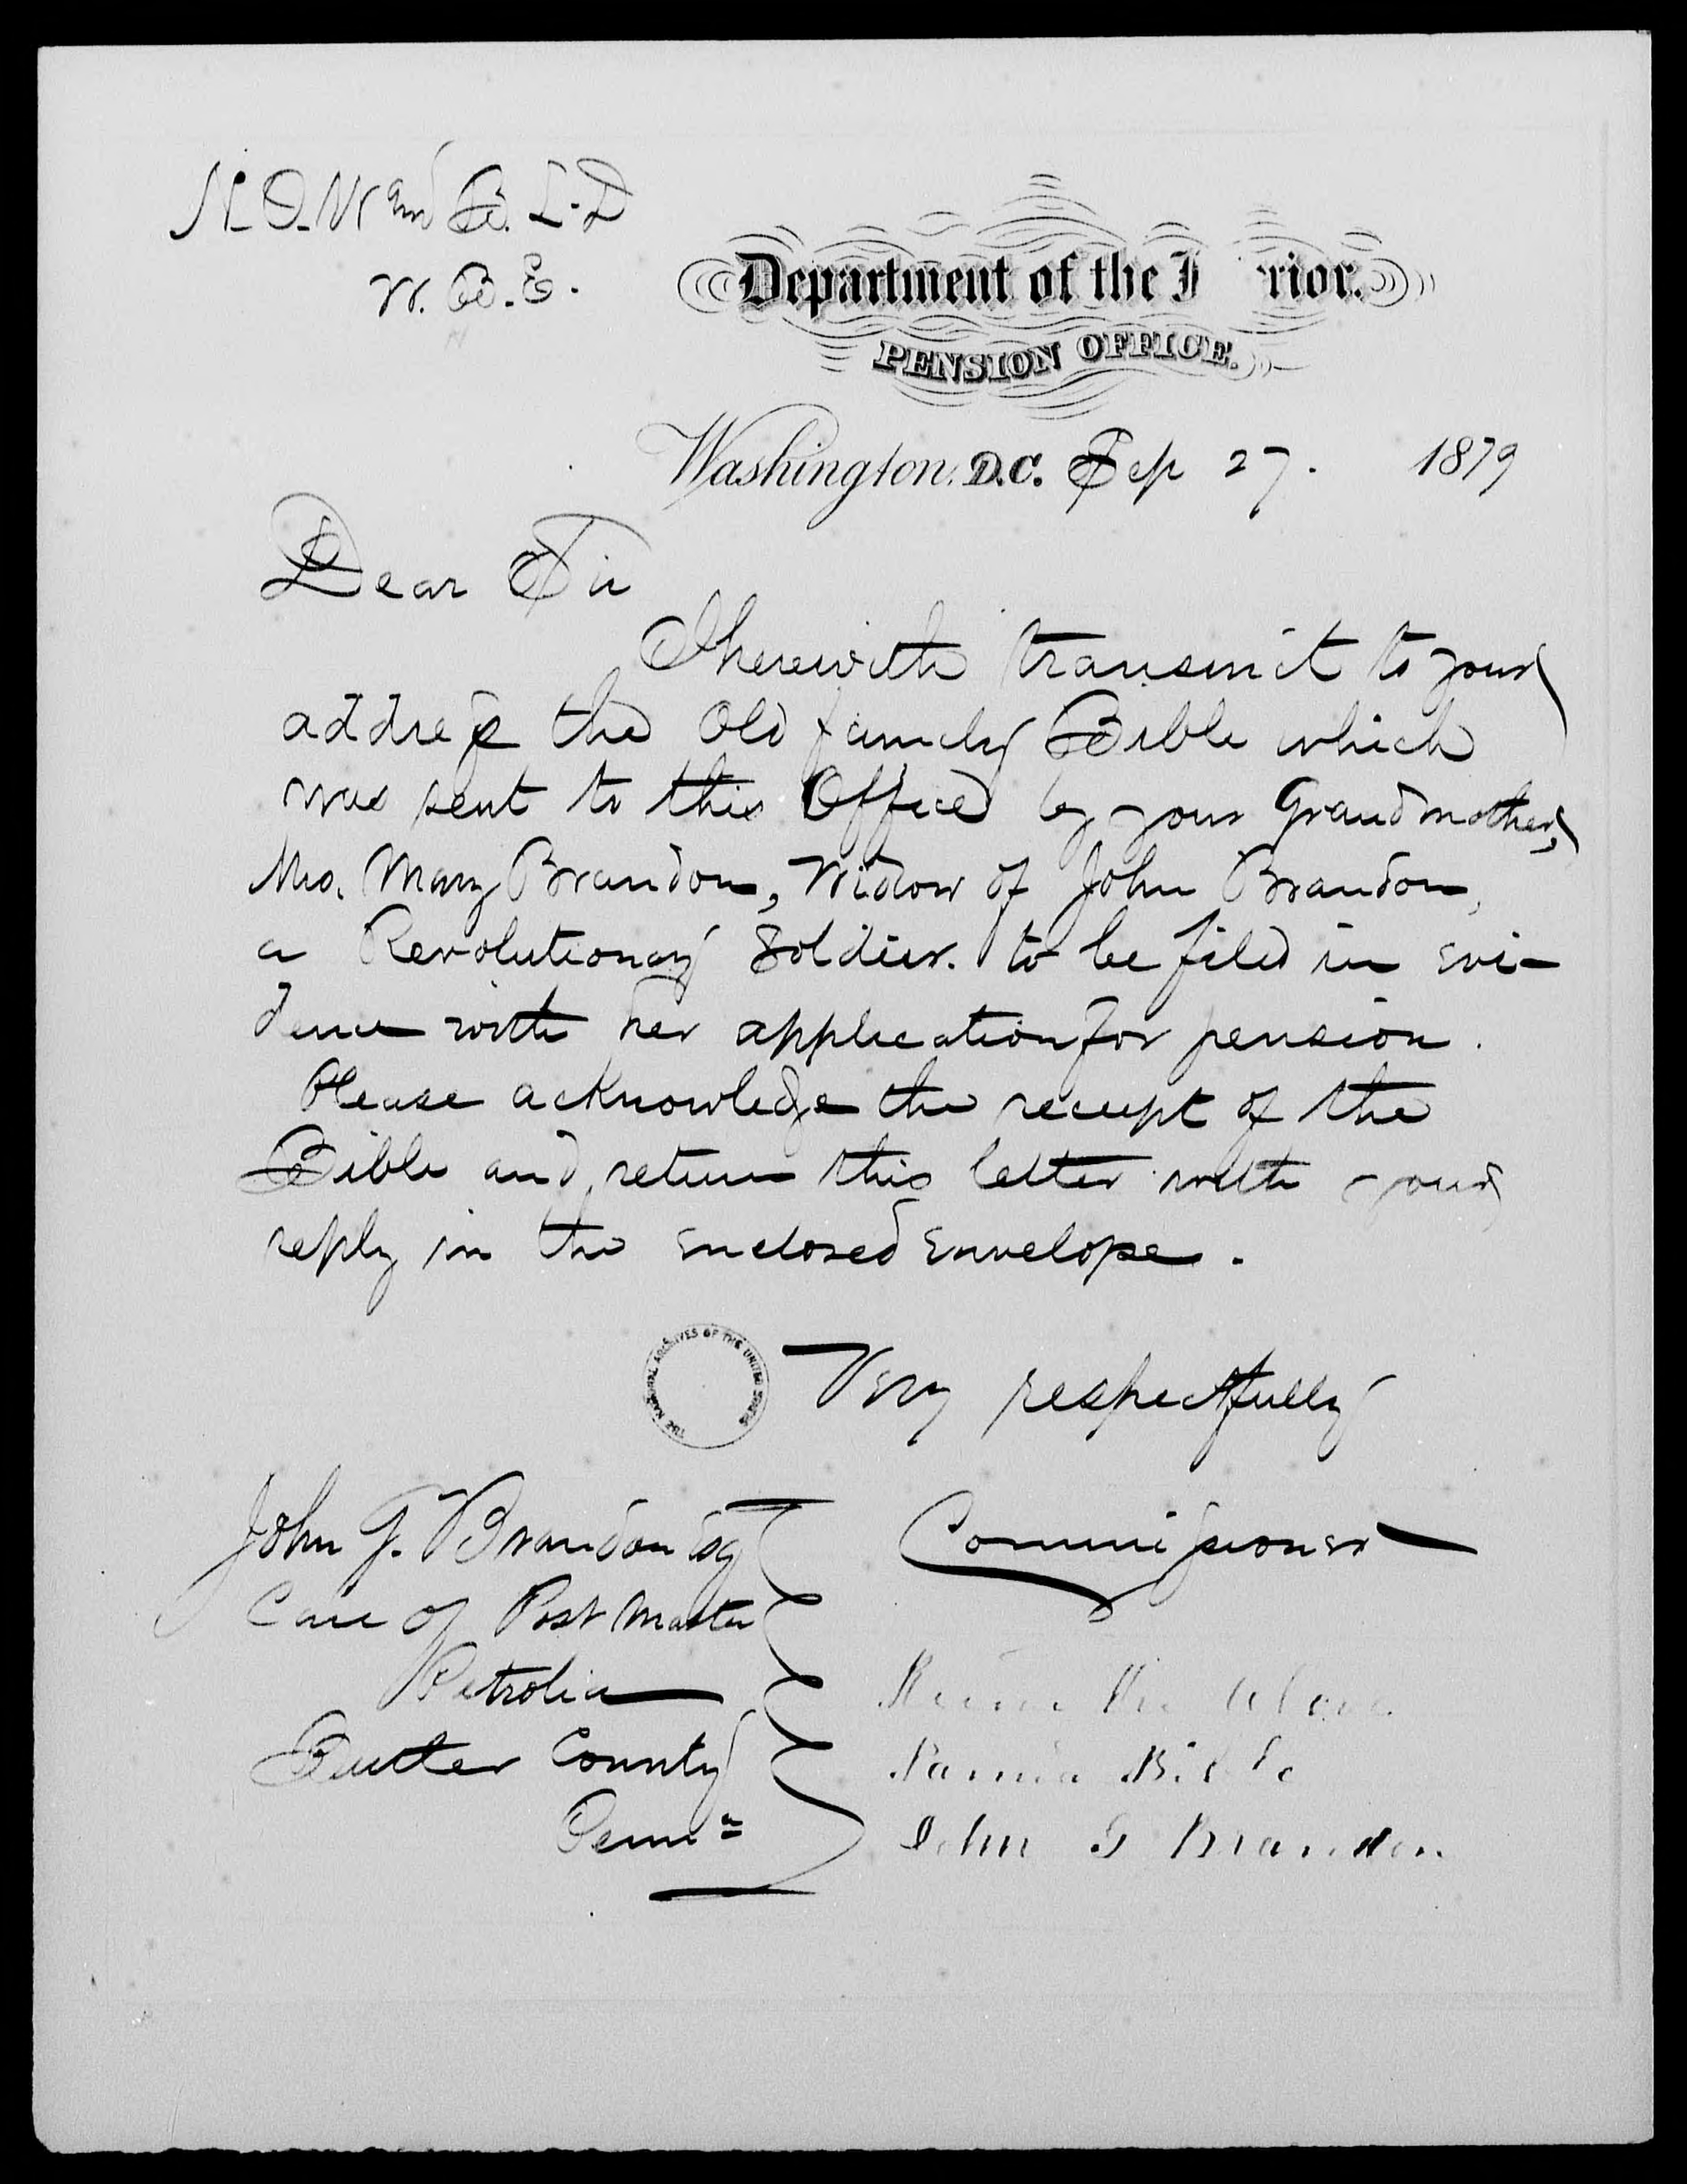N.O.W and B.L.D
W.B.E.

Department of the Interior
PENSION OFFICE.
Washington D.C. Sep 27, 1879
Dear Sir
I herewith transmit it to your address the Old family Bible which was sent to this Office by your grandmother Mrs. Mary Brandon, Widow of John Brandon, a Revolutionary Soldier, to be filed in evidence with her application for pension. Please acknowledge the receipt of the Bible and return this letter with your reply in the enclosed envelope.

[stamp]
THE NATIONAL ARCHIVES OF THE UNITED STATES

Very respectfully
Commissioner
John G. Brandon Esq
Care of Post Master
Petrolia
Butler County
Penna

Receive the above 
Family bible
John G Brandon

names: Mary Brandon, Henry, John G Brandon, Parnice Bible, John G Brandon, John Brandon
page: 18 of 83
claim: widow's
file: W. 5946, John Brandon, Penn